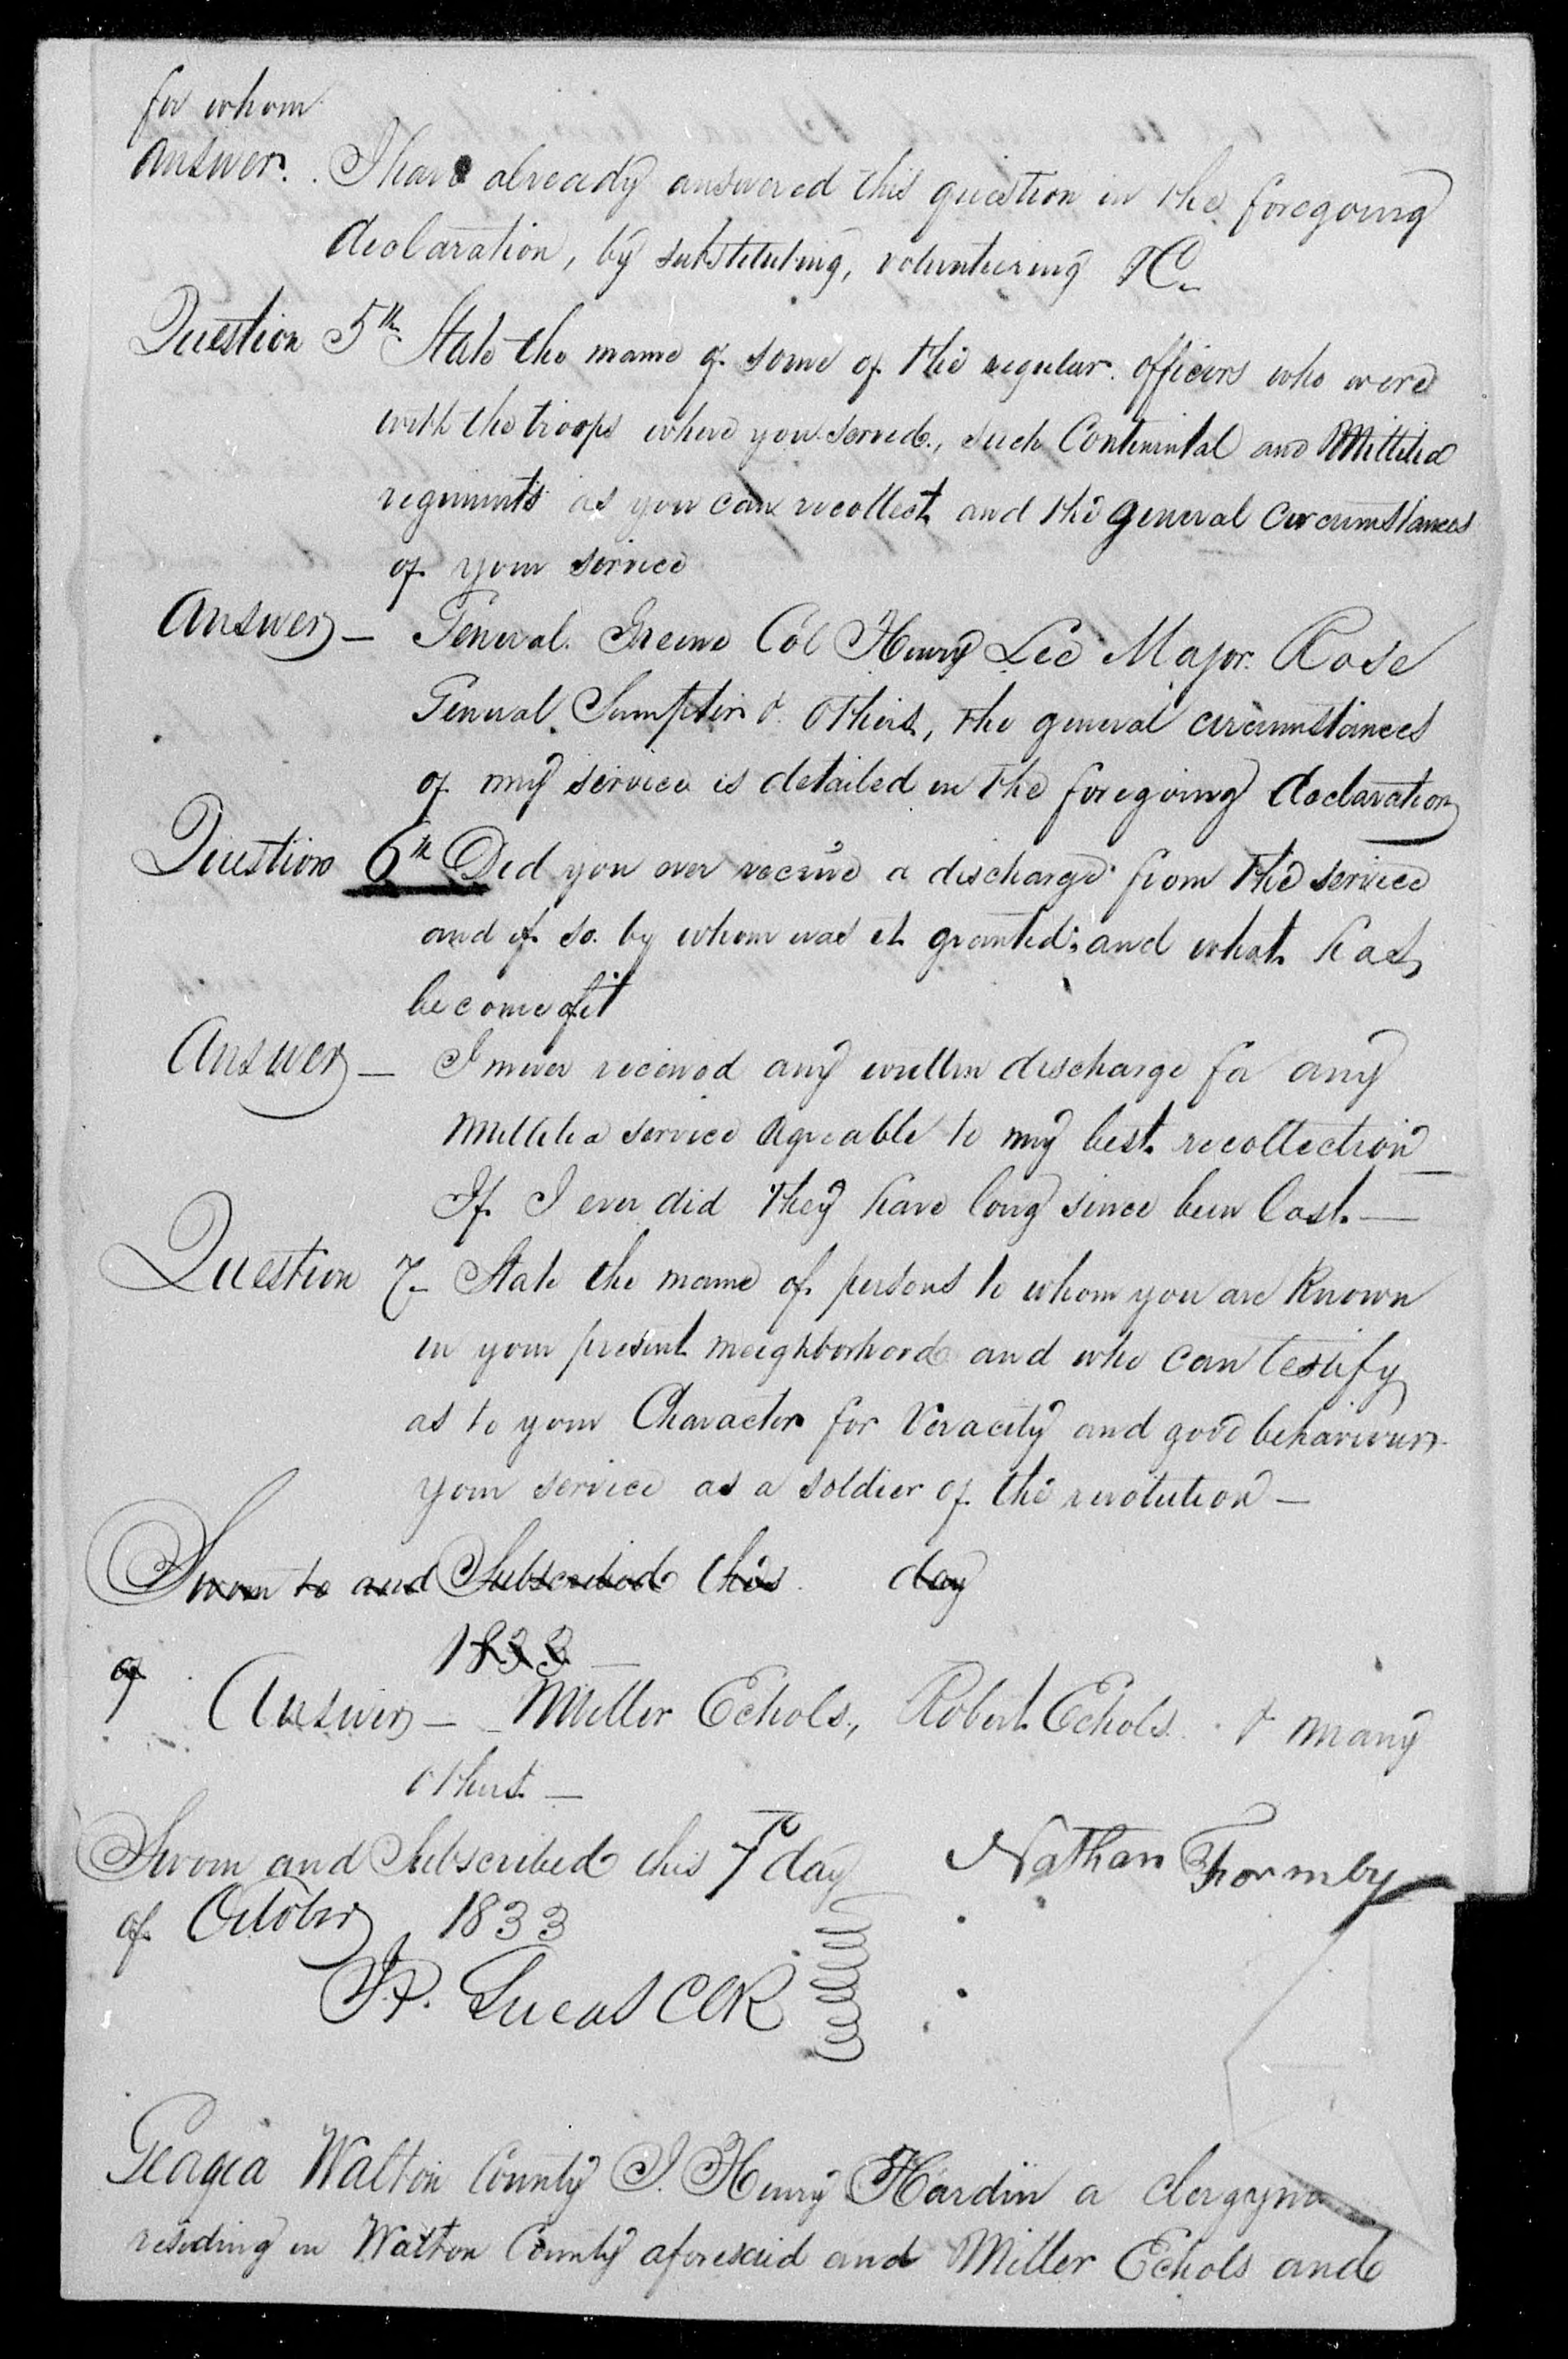for whom
Answer. I have already answered this question in the foregoing declaration, by substituting, volunteering &C.
Question 5th State the name of some of the regular officers who were with the troops where you served, such Continental and Militia regiments as you can recollect, and the general circumstances of your service
Answer - General Green Col Henry Leo Major Rose General Sumpter & others, the general circumstances of my service is detailed in the foregoing declaration
Question 6th Did you ever receive a discharge from the service and if so by whom was it granted; and what has become of it
Answer - I never received any written discharge for any Militia service Agreeable to my best recollection If I ever did they have long since been lost.-
Question 7 - State the name of persons to whom you are known in your present neighborhood and who can testify as to your Character for Veracity and good behavior in your service as a soldier of the revolution -
Answer - Miller Echols, Robert Echols & many others.-
Sworn and Subscribed this 7th day 
of October 1833} Nathan Formby
J. P. Lucas Clk}

Georgia Walton County I Henry Hardin a clergyman residing in Walton County aforesaid and Miller Echols and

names: Robert Echols, Sumpter, Greene, J P Lucas, Miller Echols, Henry Lee, Rose, Henry Hardin, Miller Echols, Nathan Formby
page: 51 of 54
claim: widow's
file: W. 3794, Nathan Formby, Va.